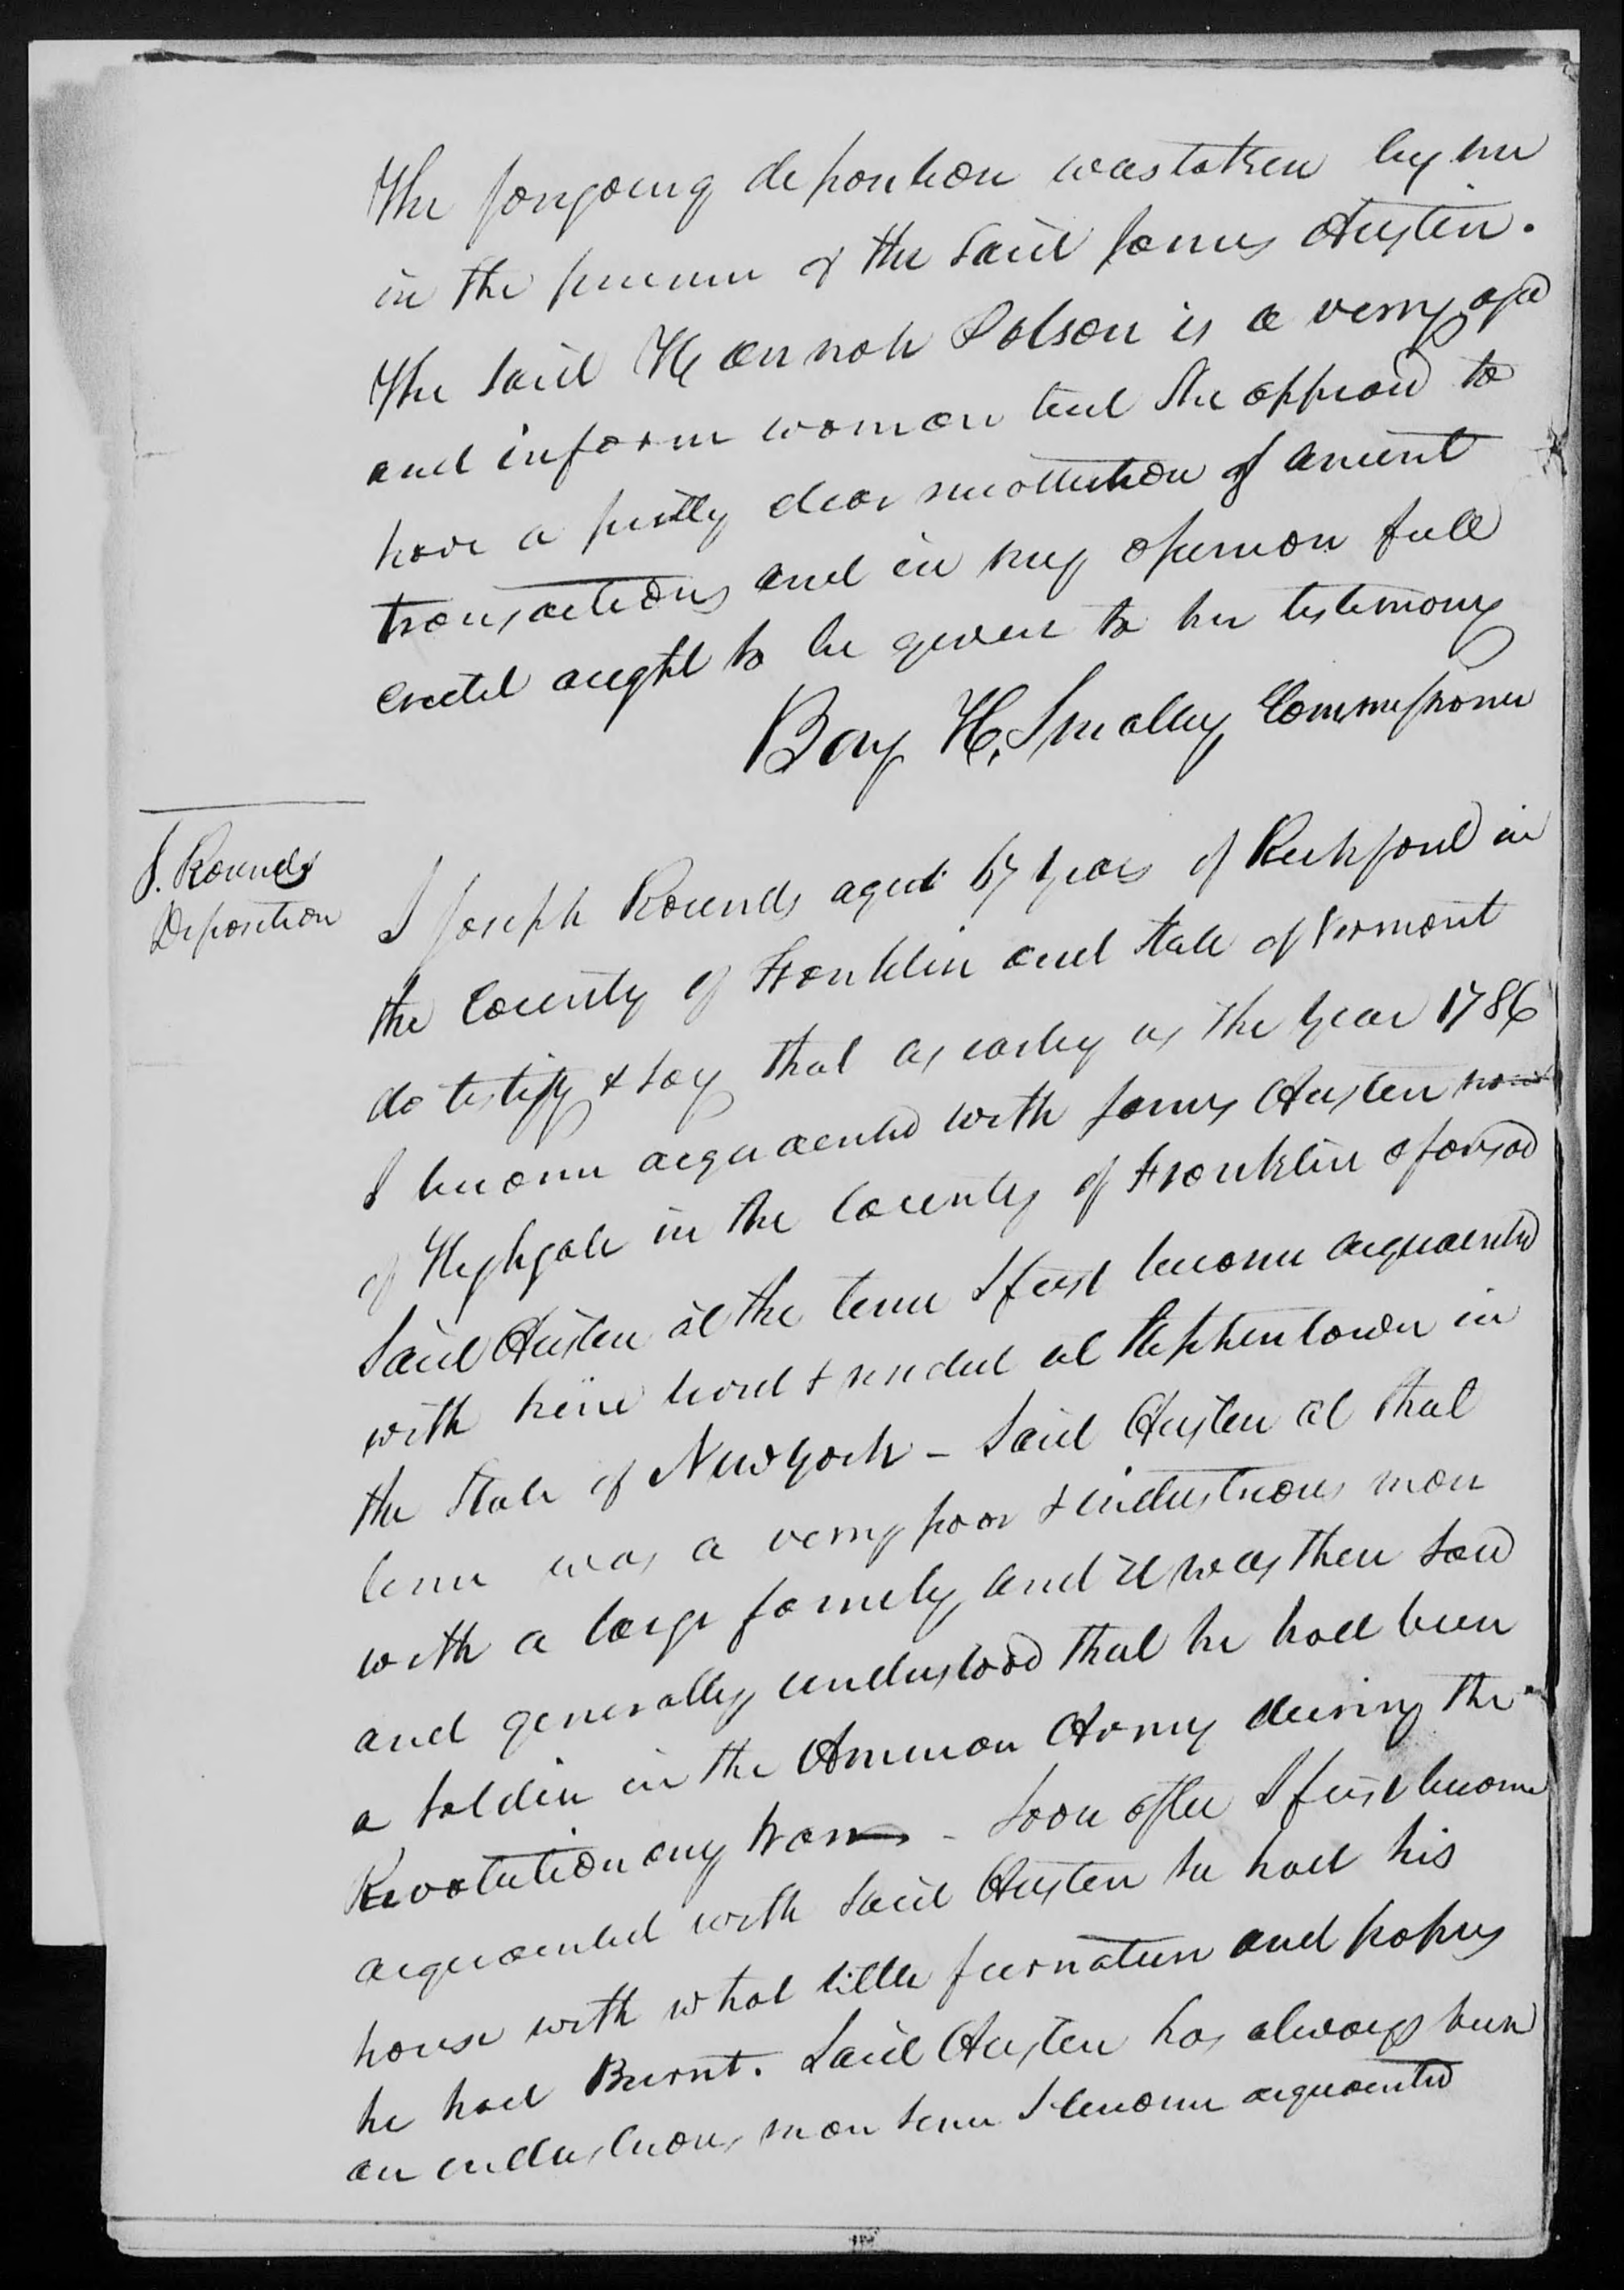The foregoing deposition was taken by me in the presence of the said James Austin.
The said Hannah Polson is a very open and informed woman and she appears to have a fairly clear recollection of ancient [illegible] and in my opinion full [illegible] ought to be given to her testimony
Benj H. Smalley Commissioner

J. Rounds Deposition
I Joseph Rounds aged 67 years of Rockford in the County of Franklin and state of Vermont do testify & say, that as early as the year 1786 I became acquainted with James Austin of Hephgate in the County of Franklin & formed said Austin at the term [illegible] became acquainted with him lived & resided at Stephen Corner in the State of New York - said Austin at that time was a very poor & industrious man with a large family and a way then low and generally understood that he had been a soldier in the American Army during the Revolutionary War. Soon after I first became acquainted with said Austin he had his house with what little furniture and hopes he had Burnt. Said Austin has always been an industrious man since I became acquainted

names: Austin, Benj H Smalley, Joseph Rounds, James Austin, Austin, Austin, Hannah Polson, James Austin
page: 7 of 100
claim: survivor's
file: S 19186, James Austin, Conn. New York R.I.